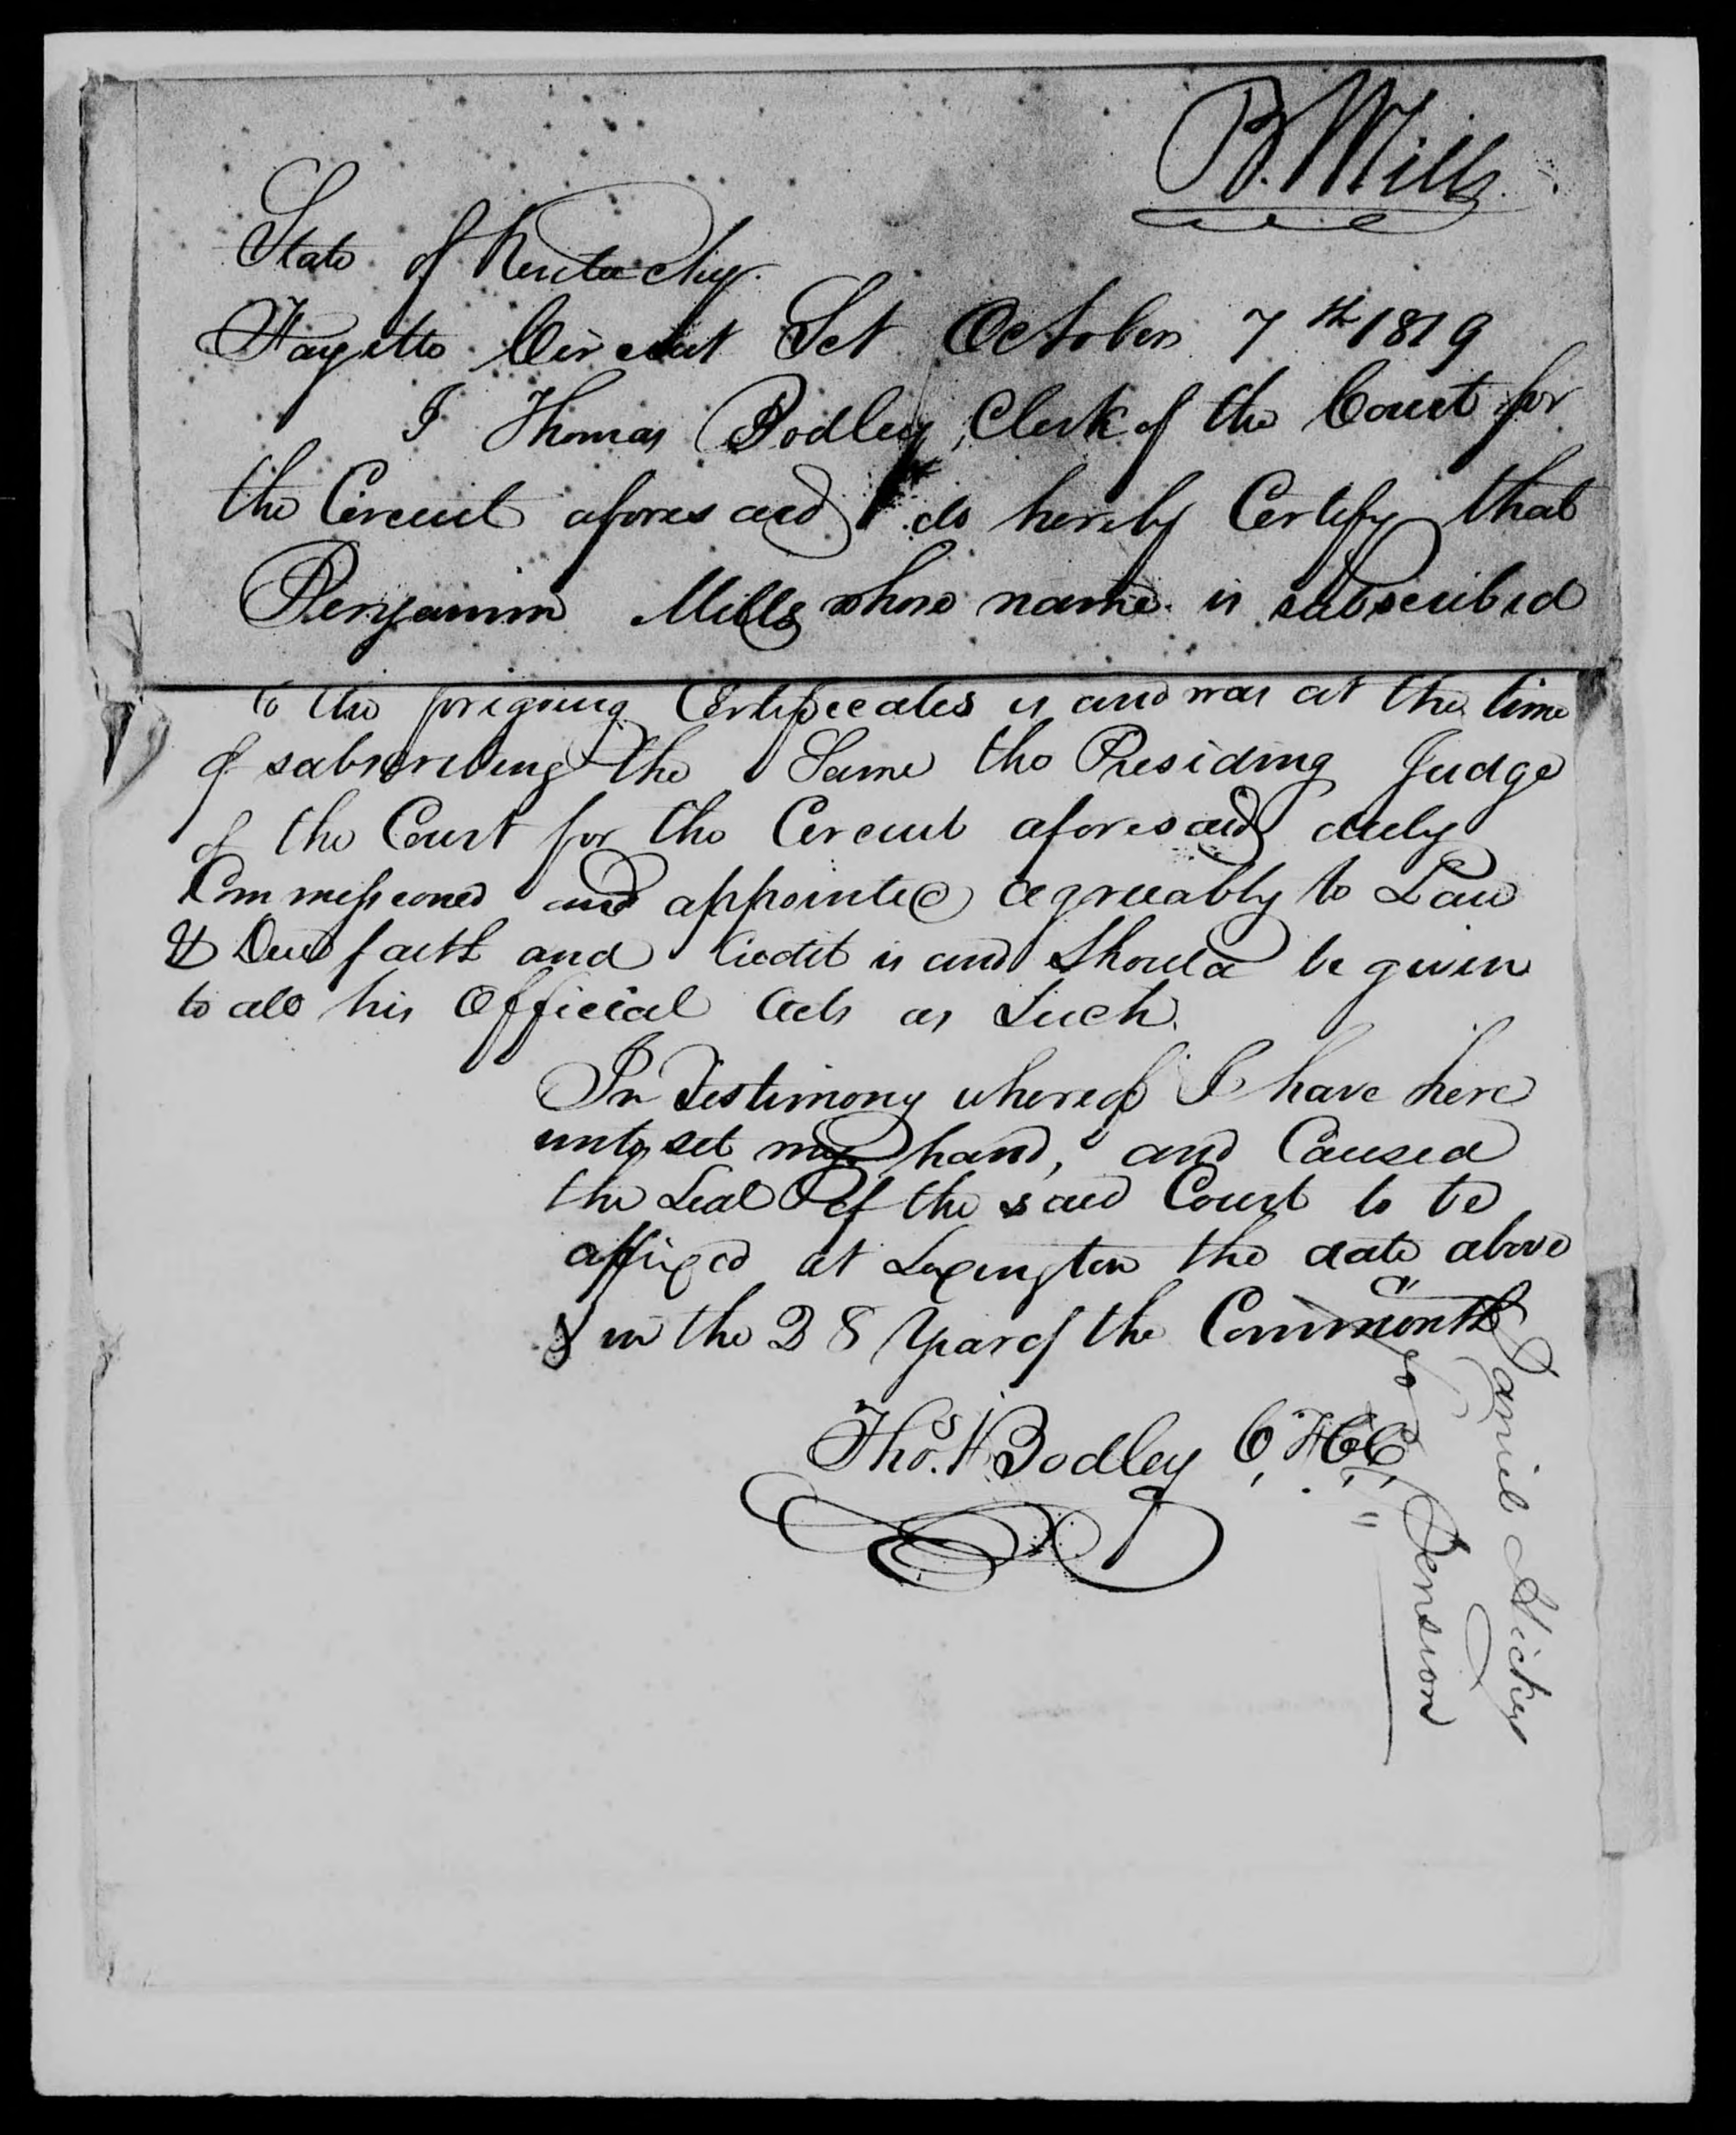B Mills
State of Kentucky
Fayette Circuit Sct. October 7 1819
I Thomas Bodley, Clerk of the Court for the Circuit aforesaid do hereby Certify that Benjamin Mills who name is subscribed to the foregoing Certificates is and was at the time of subscribing the Same the Presiding Judge of the Court for the Circuit aforesaid duly Commissioned and appointed agreeably to Law & Due faith and Credit is and should be given to all his official acts as Such
In Testimony whereof I have here unto set my hand and Caused the Seal of the said Court to be affixed at Lexington the date above in the 28 Year of the 
Commonwealth
Tho Bodley C of CC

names: Thomas Bodley, B S Wills, Thos Bodley, Daniel Hickey, Benjamin Mills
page: 54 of 84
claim: widow's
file: W. 7744, Daniel Hickey, Penn.